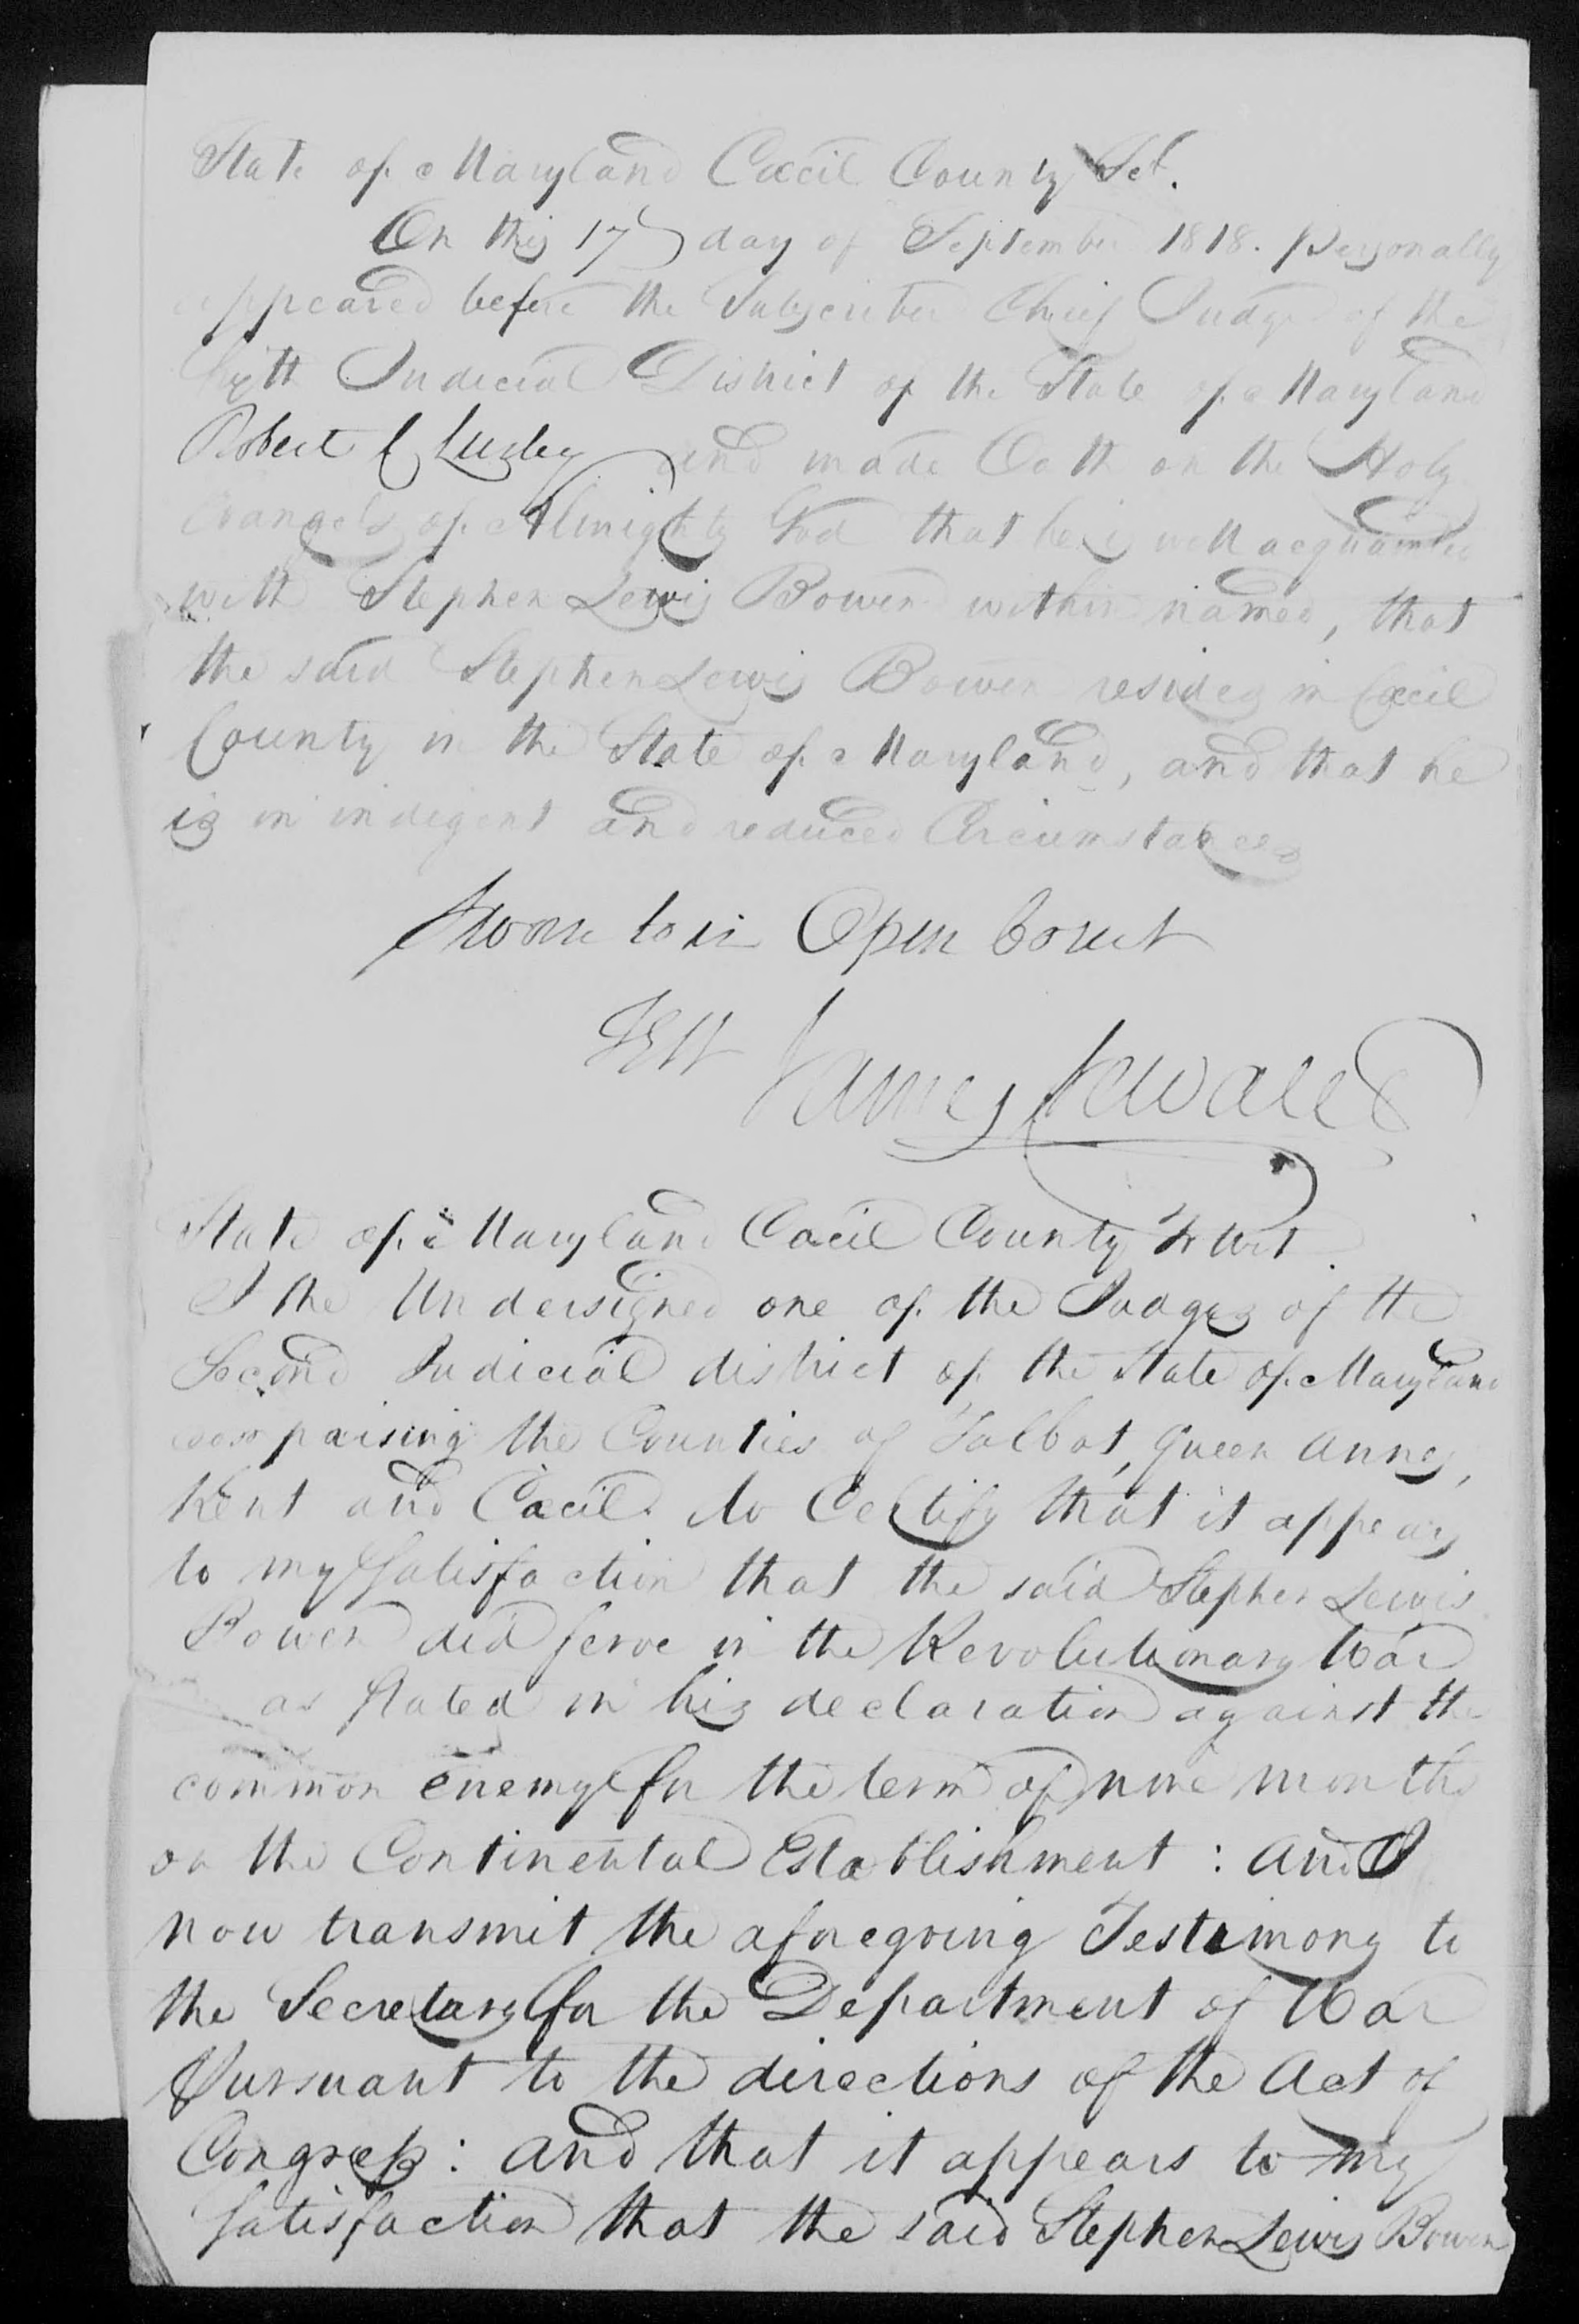State of Maryland Cecil County ?
On this 17 day of September 1818 Personally
appeared before the Subscriber Chief Justice of the Fifth Judicial District of the State of Maryland Robert E. ? And made oath on the Holy Evangels of Almighty God that he is acquainted with Stephen Lewis Bowen within named, that the said Stephen Lewis Bowen resides in Cecil County in the State of Maryland, and that he is in indigent and reduced circumstances.
(?)
State of Maryland Cecile County Court. I the undersigned one of the Judges of the Second Judicial district of the State of Maryland comprising the Counties of Talbot, Queen Anne, Kent and Cecil to Certify that it appears to my satisfaction that the said Stephen Lewis Bowen did serve in the Revolutionary War as stated in his declaration against the common enemy of for the term of nine months on the Continental Establishment; and now transmit the aforegoing Testimony to the Secretary for the Department of War. Pursuant to the direction of the Act of Congress: and that it appears to my satisfaction that the said Stephen Lewis Bowen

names: James Sewall, Stephen Lewis Bowen, Stephen Lewis Bowen, Stephen Lewis Bowen, Robert C Ludey, Stephen Lewis Bowen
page: 10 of 11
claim: survivor's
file: S. 34,661, Stephen Lewis Bowen, Md.